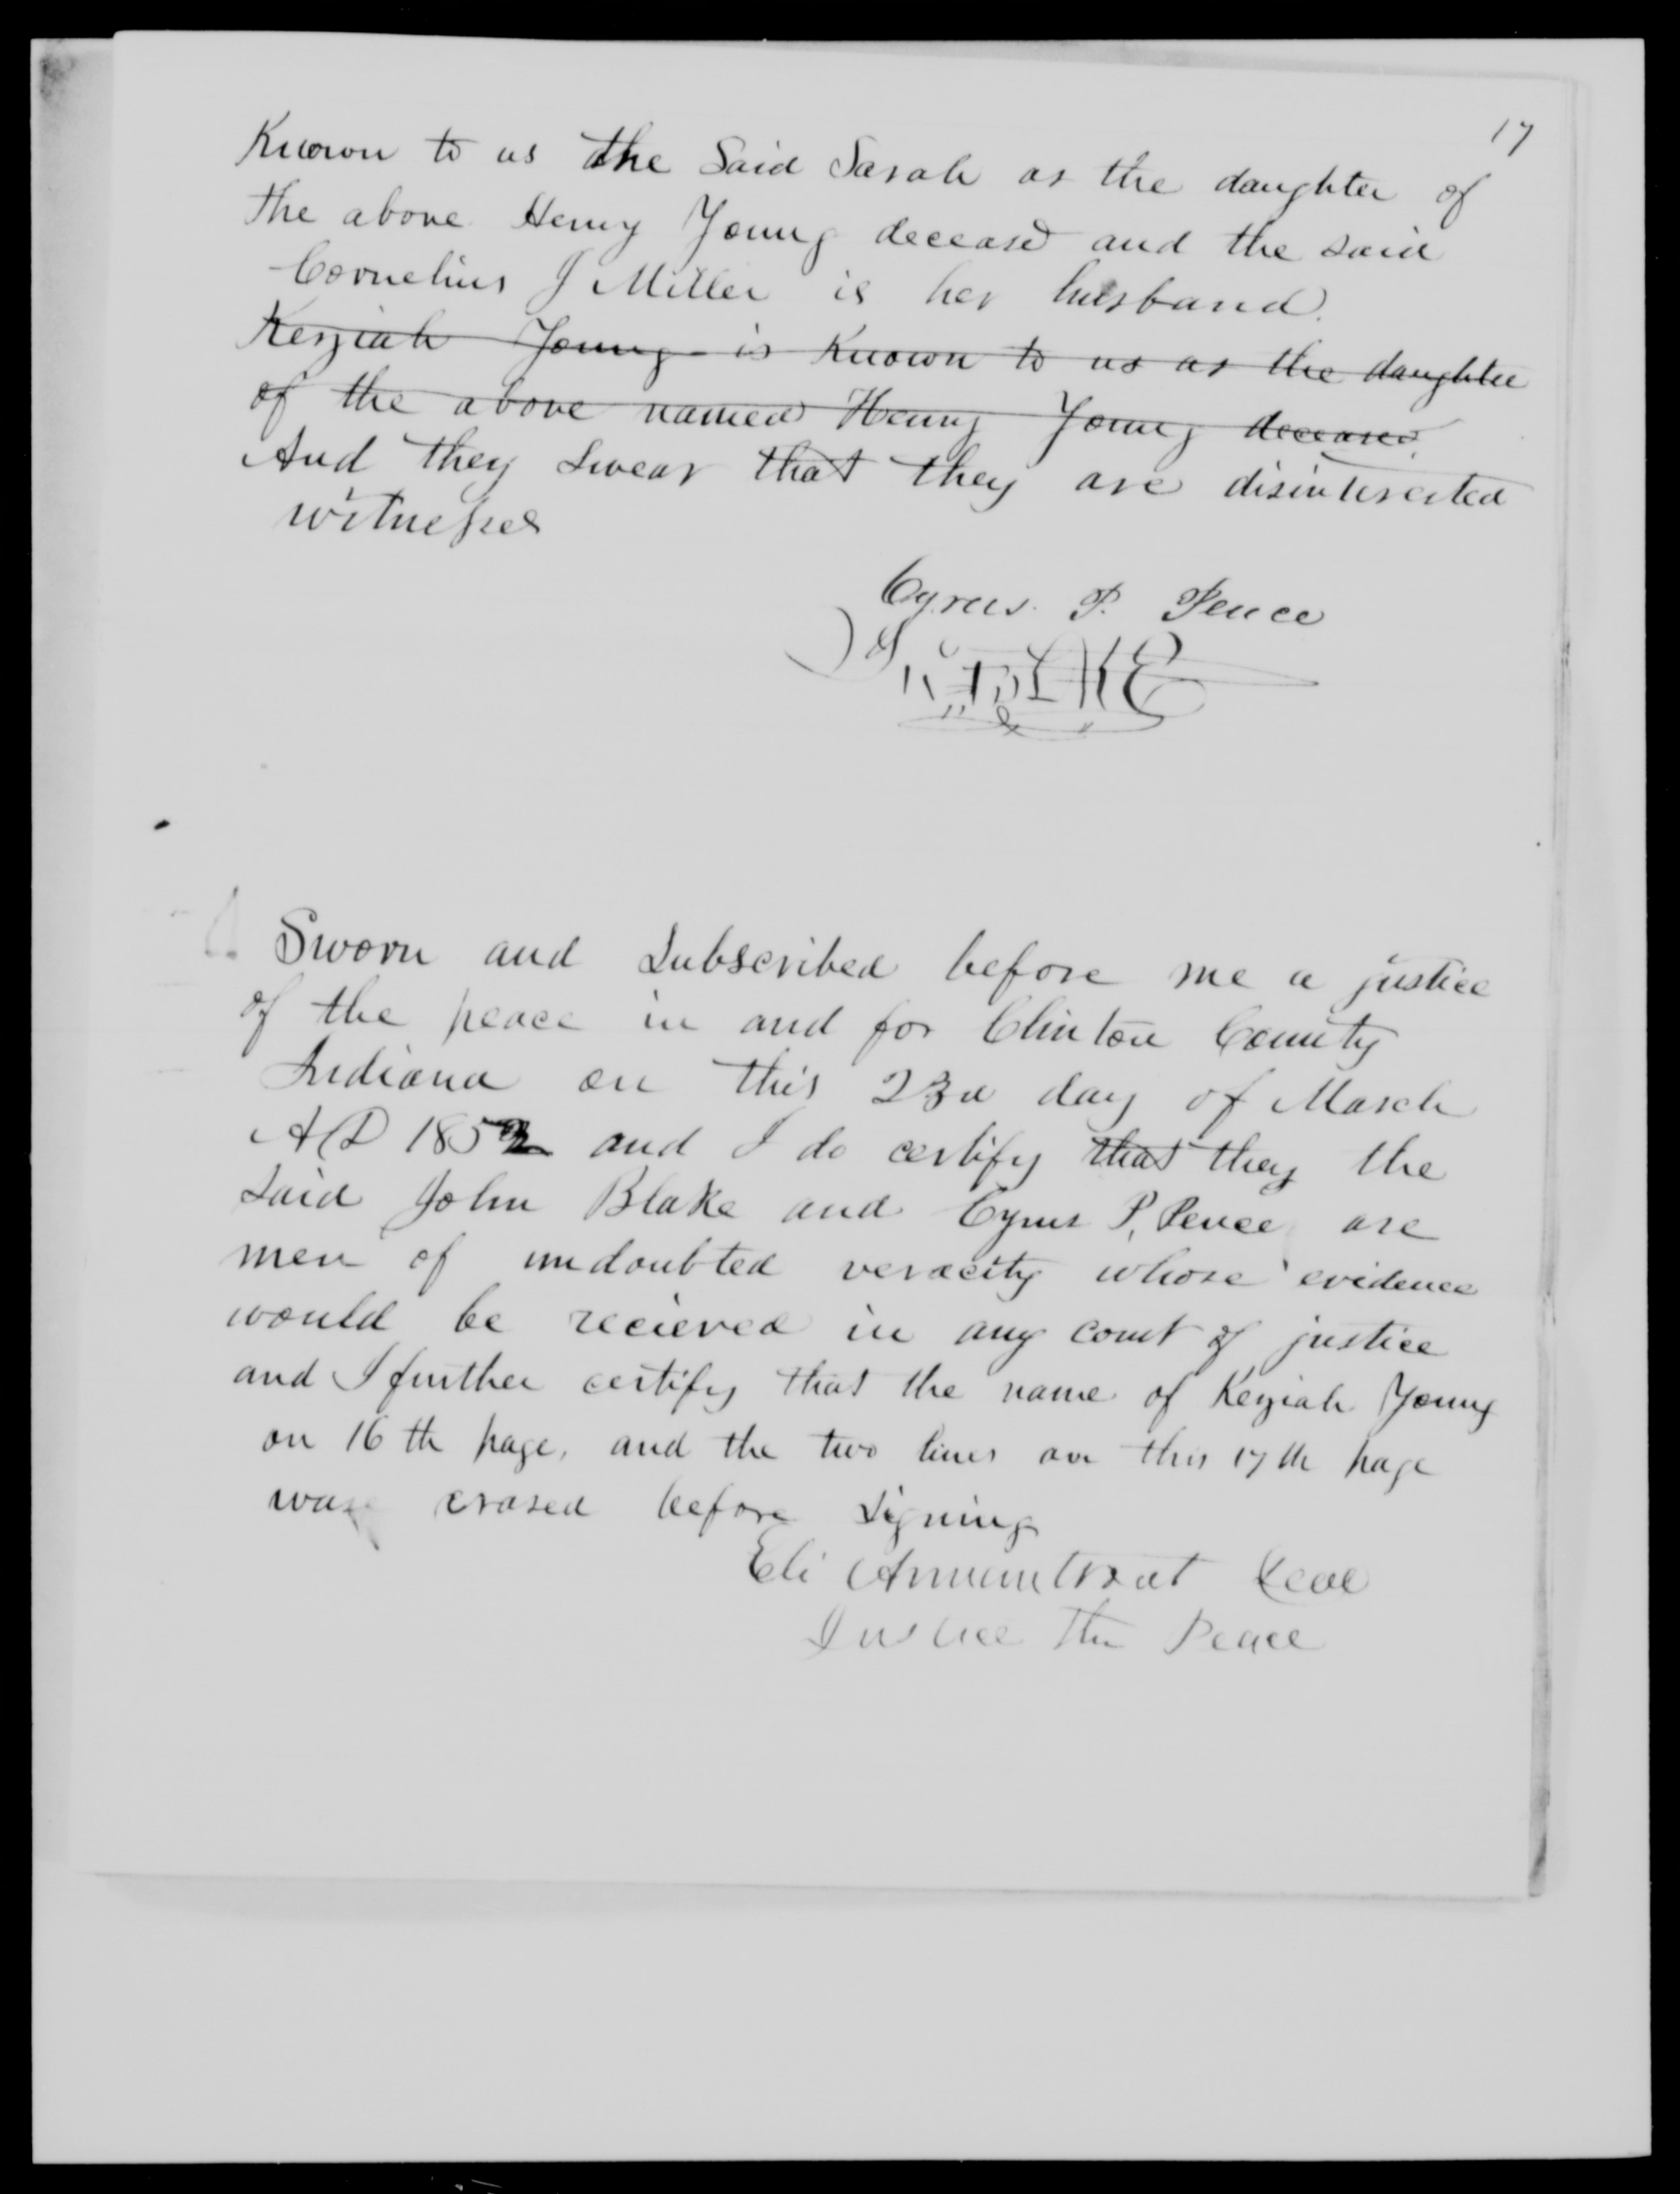17
known to us the said Sarah as the daughter of
the above Henry Young deceased and the said
Cornelius J Miller is her husband.
[crossed out - “Keziah Young is known to us as the daughter of the above named Henry Young”]
And they swear that they are disinterested.
Witnesses
Cyrus P Pence
John Blake

Sworn and subscribed before me a justice
of the peace in and for Clinton County
Indiana on this 23d day of March
AD 1853 and I do certify that they the
said John Blake and Cyrus P. Pence are
men of undoubted veracity whose evidence
would be received in any court of justice
and I further certify that the name of Keziah Young
on 16th page, and the two lines on this 17th page
was erased before signing
Eli Armantrout (Seal)
Justice of the Peace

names: Henry Young, John Blake, Sarah, Cornelius J Miller, Keziah Young, Eli Armantrout, Cyrus P Pence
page: 36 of 123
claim: rejected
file: R. 11,949, Matthias Young, Md.